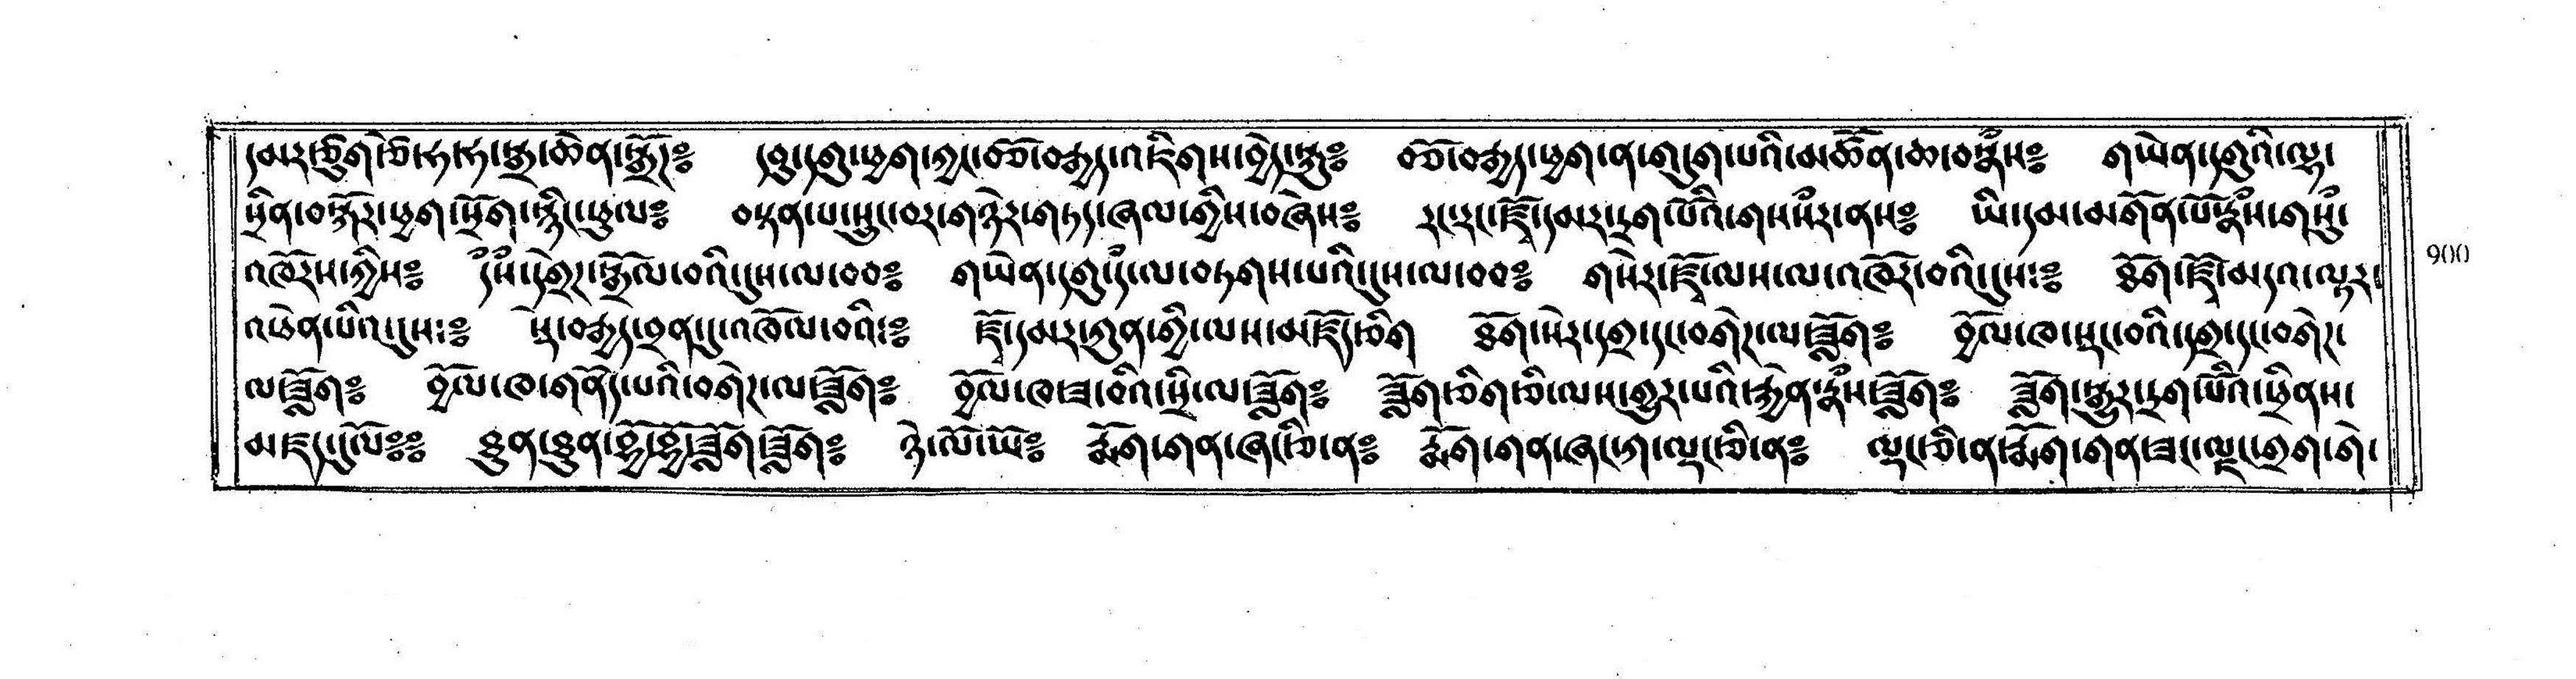དམར་ཙུག་ཙེ་ཧ་ཧ་སྒྲ་ཆེན་སྒྲོགས༔ དབུ་དགུ་ཕྱག་ཀྱང་བཅོ་བརྒྱད་འཇིགས་བྱེད་སྐུ༔ བཅོ་བརྒྱད་ཕྱག་ན་གདུག་པའི་མཚོན་ཆ་བསྣམས༔ གཡེན་དགུའི་ལྷ་
སྲིན་བསྐོར་ཕྱག་སྲོག་སྙིང་ཕུལ༔ བསྟན་པ་སྲུང་བར་གཉེར་གཏད་ཞལ་གྱིས་བཞེས༔ རང་རང་ཛྭོ་དམར་དྲག་པོའི་གསས་མཁར་ནས༔ ཡི་དམ་མགོན་པོ་རྣམས་གསུམ་
འཁོར་བཅས་ཀྱིས༔ དམ་ཉམས་དགྲ་བགེགས་སྒྲོལ་བའི་དུས་ལ་བབ༔ གཡེན་དགུ་དམ་ལ་བཏགས་པའི་དུས་ལ་བབ༔ གསེར་ཛྭོ་ལས་ལ་འཁོར་བའི་དུས༴༔ ཐོག་ཛྭོ་མདའ་ལྟར་
འཕེན་པའི་དུས༴༔ སྡེ་བརྒྱད་བྲན་དུ་འཁོལ་བའི༴༔ ཛྭོ་དམར་ཀུན་གྱི་ལས་མཛོད་ཅིག ཐོག་སེར་དགྲ་དང་བགེགས་ལ་ཟློག༔ བྱོལ་ཁ་སྡང་བའི་དགྲ་དང་བགེགས་
ལ་ཟློག༔ བྱོལ་ཁ་གནོད་པའི་བགེགས་ལ་ཟློག༔ བྱོལ་ཁ་ཟ་བའི་སྲི་ལ་ཟློག༔ ཟློག་ཅིག་ཅི་ལས་གྱུར་པའི་རྐྱེན་རྣམས་ཟློག༔ ཟློག་སྒྱུར་དྲག་པོའི་ཕྲིན་ལས་
མཛད་དུ་གསོལ༔༔ ཐུན་ཐུན་བྷྱོ་བྷྱོ་ཟློག་ཟློག༔ ཉེ་ལོ་ཡོ༔ རྨོག་གན་ཞང་ཅི་ན༔ རྨོག་གན་ཞང་ཀ་ལྡང་ཅི་ན༔ ལྡང་ཅི་ན་རྨོག་གན་ཟང་ལྗང་གྲག་གེ་